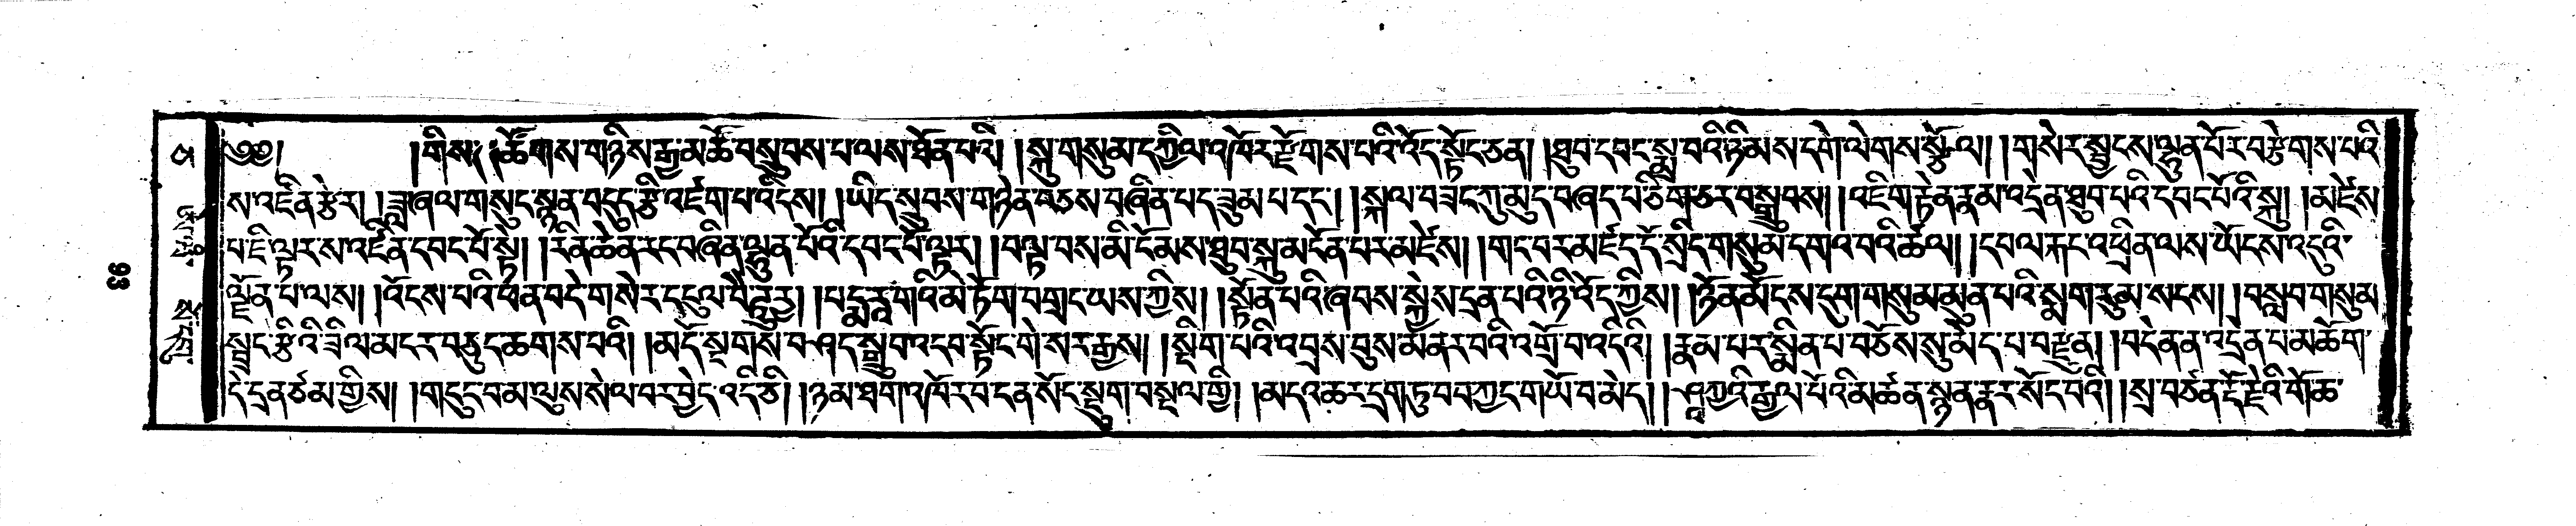༄༅། །གིས༑ ༑ཚོགས་གཉིས་རྒྱ་མཚོ་བསྒྲུབས་པ་ལས་ཐོན་པའི། །སྐུ་གསུམ་དཀྱིལ་འཁོར་རྫོགས་པའི་འོད་སྟོང་ཅན། །ཐུབ་དབང་སྨྲ་བའི་ཉི་མས་དགེ་ལེགས་སྩོལ། །གསེར་སྦྱངས་ལྷུན་པོར་བརྩེགས་པའི་
ས་འཛིན་རྩེར། །ཟླ་ཞལ་གསུང་སྙན་བདུད་རྩི་འཛག་པ་འདིས། །ཡིད་སྲུབས་གཉེན་བཅས་བཞིན་པད་ཟུམ་པ་དང་། །སྐལ་བཟང་ཀུ་མུད་བཞད་པ་ཅིག་ཅར་བསྒྲུབས། །འཇིག་རྟེན་རྣམ་འདྲེན་ཐུབ་པའི་དབང་པོའི་སྐུ། །མཛེས་
པ་ཇི་ལྟར་ས་འཛིན་དབང་པོ་སྟེ། །རིན་ཆེན་རང་བཞིན་ལྷུན་པོའི་དབང་པོ་ལྟར། །བལྟ་བས་མི་ངོམས་ཐུབ་སྐུ་མངོན་པར་མཛེས། །གང་བར་མཛད་དོ་སྲིད་གསུམ་དགའ་བའི་ཚལ། །དཔལ་རྐང་འཕྲིན་ལས་ཡོངས་འདུའི་
ལྗོན་པ་ལས། །འོངས་པའི་ཕན་བདེ་གསེར་དངུལ་བཻ་ཌཱུརྱ། །པདམ་རཱ་གའི་མེ་ཏོག་བགྲང་ཡས་ཀྱིས། །སྟོན་པའི་ཞབས་སྐྱེས་དྲན་པའི་ཉི་འོད་ཀྱིས། །ཉོན་མོངས་དུག་གསུམ་མུན་པའི་སྨག་རུམ་སངས། །བསླབ་གསུམ་
སྦྲང་རྩིའི་ཟིལ་མངར་བཅུད་ཆགས་པའི། །མདོ་སྔགས་བཤད་སྒྲུབ་འདབ་སྟོང་གེ་སར་རྒྱས། །སྡིག་པའི་འབྲས་བུས་མནར་བའི་འགྲོ་བ་འདིའི། །རྣམ་པར་སྨིན་པ་བཅོས་སུ་མེད་པ་བརྫུན། །བདེན་ན་འདྲེན་པ་མཆོག་
དེ་དྲན་ཙམ་གྱིས། །གདུང་བ་མ་ལུས་སེལ་བར་བྱེད་འདི་ཅི། །ཉམ་ཐག་འཁོར་བ་ངན་སོང་སྡུག་བསྔལ་གྱི། །མདའ་ཆར་དྲག་ཏུ་བབ་ཀྱང་གཡོ་བ་མེད། །ཤཱཀྱའི་རྒྱལ་པོའི་མཚན་སྙན་རྣར་སོང་བའི། །སྲ་བཙན་རྡོ་རྗེའི་གོ་ཆ་